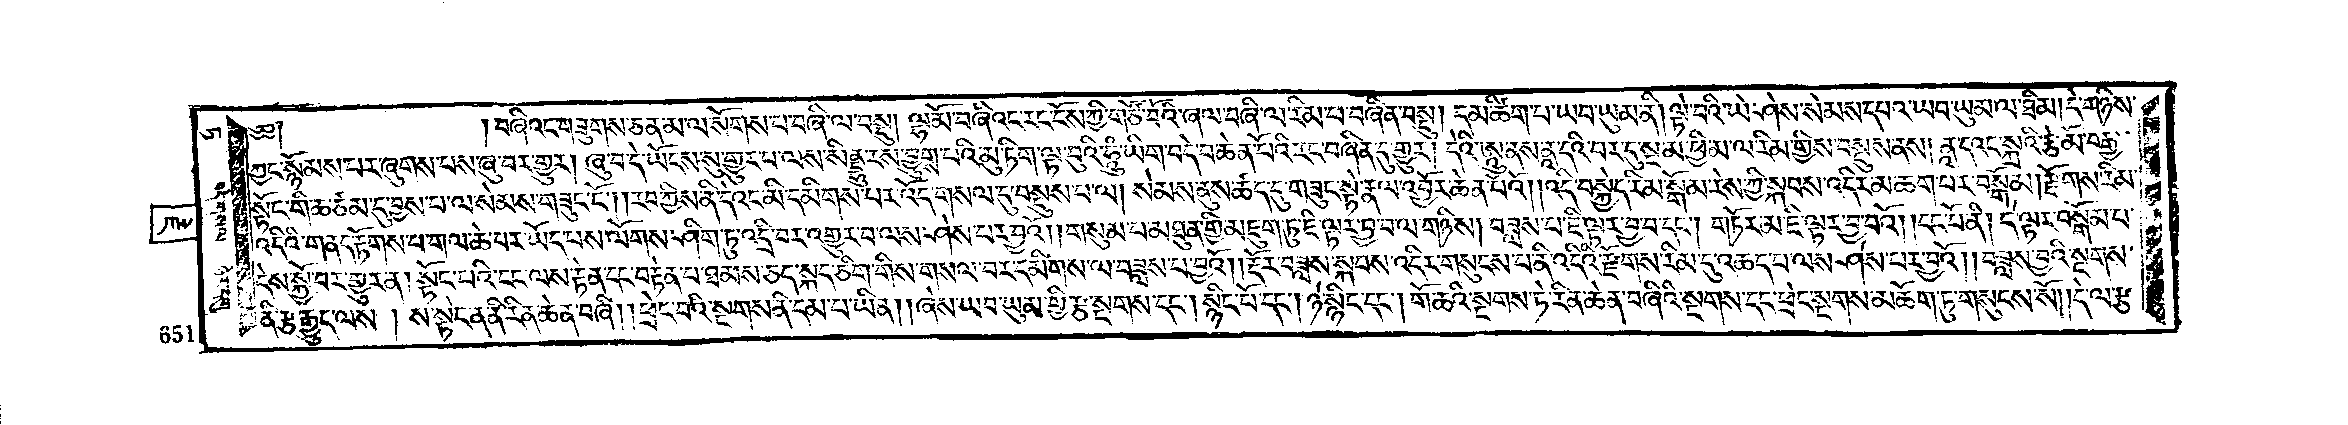༄༅། །བཞིའང་གཟུགས་ཅན་མ་ལ་སོགས་པ་བཞི་ལ་བསྡུ། ལྷ་མོ་བཞིའང་རང་ངོས་ཀྱི་གཙོ་བོའི་ཞལ་བཞི་ལ་རིམ་པ་བཞིན་བསྡུ། དམ་ཚིག་པ་ཡབ་ཡུམ་ནི། ལྟེ་བའི་ཡེ་ཤེས་སེམས་དཔའ་ཡབ་ཡུམ་ལ་ཐིམ། དེ་གཉིས་
ཀྱང་སྙོམས་པར་ཞུགས་པས་ཞུ་བར་གྱུར། ཞུ་བ་དེ་ཡོངས་སུ་གྱུར་པ་ལས་སིནྡྷུ་རས་བྱུགས་པའི་མུ་ཏིག་ལྟ་བུའི་ཧཱུཾ་ཡིག་བདེ་བ་ཆེན་པོའི་རང་བཞིན་དུ་གྱུར། དེའི་ཨཱུ་ནས་ནཱ་དའི་བར་དུ་སྔ་མ་ཕྱི་མ་ལ་རིམ་གྱིས་བསྡུས་ནས། ནཱ་དའང་སྐྲའི་རྩེ་མོ་བརྒྱ་
སྟོང་གི་ཆ་ཙམ་དུ་བྱས་པ་ལ་སེམས་གཟུང་ངོ། །རབ་ཀྱིས་ནི་དེའང་མི་དམིགས་པར་འོད་གསལ་དུ་བསྡུས་པ་ལ། སེམས་ནུས་ཚད་དུ་གཟུང་སྟེ་རྣལ་འབྱོར་ཆེན་པོའོ། །འདི་བསྐྱེད་རིམ་སྒོམ་རེས་ཀྱི་སྐབས་འདིར་མ་ཆག་པར་བསྒོམ། རྫོགས་རིམ་
འདིའི་གནད་རྟོགས་པ་གལ་ཆེ་བར་ཡོད་པས་ལོགས་ཤིག་ཏུ་འདྲི་བར་འགྱུར་བ་ལས་ཤེས་པར་བྱའོ། །གསུམ་པ་མཐུན་གྱི་མཇུག་ཏུ་ཇི་ལྟར་བྱ་བ་ལ་གཉིས། བཟླས་པ་ཇི་ལྟར་བྱ་བ་དང་། གཏོར་མ་ཇི་ལྟར་བྱ་བའོ། །དང་པོ་ནི། དེ་ལྟར་བསྒོམ་པ་
དེས་སྐྱོ་བར་གྱུར་ན། སྟོང་པའི་ངང་ལས་རྟེན་དང་བརྟེན་པ་ཐམས་ཅད་སྐད་ཅིག་གིས་གསལ་བར་དམིགས་ལ་བཟླས་པ་བྱའོ། །རྡོར་བཟླས་སྐབས་འདིར་གསུངས་པ་ནི་འདིའི་རྫོགས་རིམ་དུ་འཆད་པ་ལས་ཤེས་པར་བྱའོ། །བཟླས་བྱའི་སྔགས་
ནི་རྩ་རྒྱུད་ལས། ས་སྟེང་ན་ནི་རིན་ཆེན་བཞི། །ཕྲེང་བའི་སྔགས་ནི་དམ་པ་ཡིན། །ཞེས་ཡབ་ཡུམ་གྱི་རྩ་སྔགས་དང་། སྙིང་པོ་དང་། ཉེ་སྙིང་དང་། གོ་ཆའི་སྔགས་ཏེ་རིན་ཆེན་བཞིའི་སྔགས་དང་ཕྲེང་སྔགས་མཆོག་ཏུ་གསུངས་སོ། །དེ་ལ་རྩ་